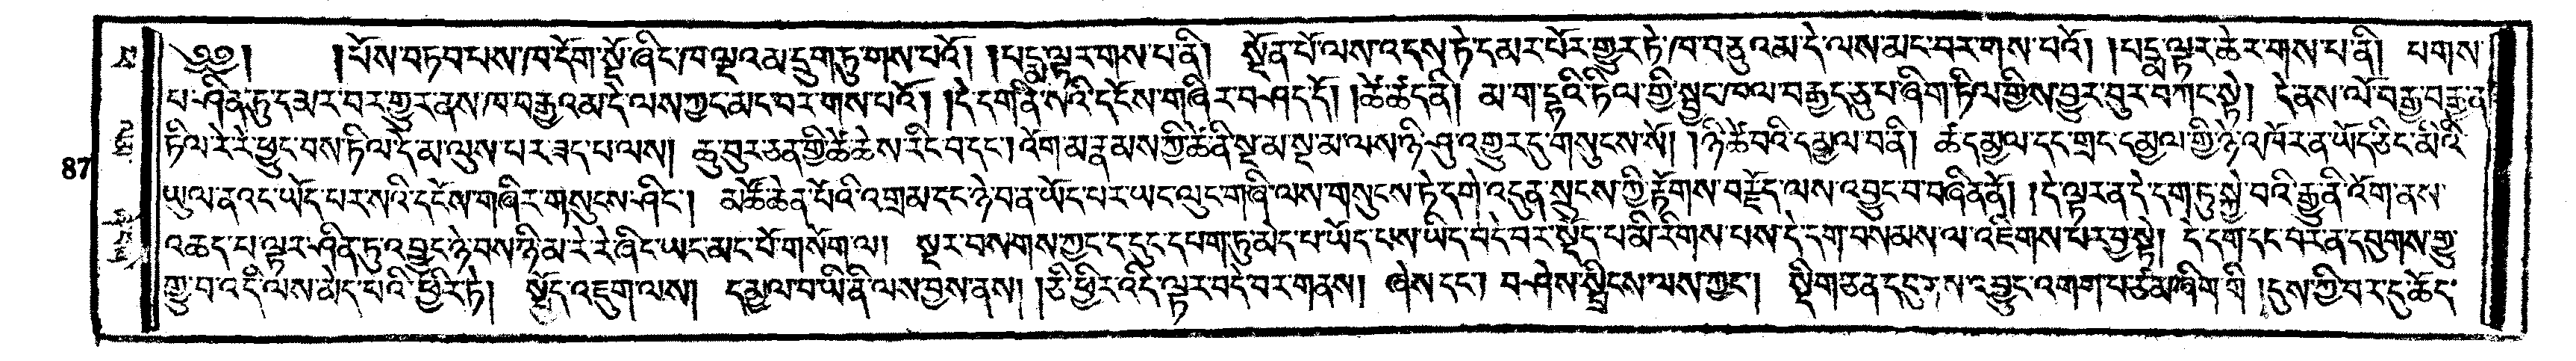༄༅། །པོས་བཏབ་པས་ཁ་དོག་སྡོ་ཞིང་ཁ་ལྔའམ་དྲུག་ཏུ་གས་པའོ། །པདམ་ལྟར་གས་པ་ནི། སྔོན་པོ་ལས་འདས་ཏེ་དམར་པོར་གྱུར་ཏེ་ཁ་བཅུའམ་དེ་ལས་མང་བར་གས་པའོ། །པདམ་ལྟར་ཆེར་གས་པ་ནི། པགས་
པ་ཤིན་ཏུ་དམར་བར་གྱུར་ནས་ཁ་བརྒྱའམ་དེ་ལས་ཀྱང་མང་བར་གས་པའོ། །དེ་དག་ནི་སའི་དངོས་གཞིར་བཤད་དོ། །ཚེ་ཚད་ནི། མ་ག་དྷའི་ཏིལ་གྱི་སྦྱང་ཁལ་བརྒྱད་ཅུ་པ་ཞིག་ཏིལ་གྱིས་བྱུར་བུར་བཀང་སྟེ། དེ་ནས་ལོ་བརྒྱ་བརྒྱ་ན་
ཏིལ་རེ་རེ་ཕྱུང་བས་ཏིལ་དེ་མ་ལུས་པར་ཟད་པ་ལས། ཆུ་བུར་ཅན་གྱི་ཚེ་ཆེས་རིང་བ་དང་། འོག་མ་རྣམས་ཀྱི་ཚེ་ནི་སྔ་མ་སྔ་མ་ལས་ཉི་ཤུ་འགྱུར་དུ་གསུངས་སོ། །ཉི་ཚེ་བའི་དམྱལ་བ་ནི། ཚ་དམྱལ་དང་གྲང་དམྱལ་གྱི་ཉེ་འཁོར་ན་ཡོད་ཅིང་མིའི་
ཡུལ་ནའང་ཡོད་པར་སའི་དངོས་གཞིར་གསུངས་ཤིང་། མཚོ་ཆེན་པོའི་འགྲམ་དང་ཉེ་བ་ན་ཡོད་པར་ཡང་ལུང་གཞི་ལས་གསུངས་ཏེ་དགེ་འདུན་སྲུངས་ཀྱི་རྟོགས་བརྗོད་ལས་འབྱུང་བ་བཞིན་ནོ། །དེ་ལྟར་ན་དེ་དག་ཏུ་སྐྱེ་བའི་རྒྱུ་ནི་འོག་ནས་
འཆད་པ་ལྟར་ཤིན་ཏུ་འབྱུང་ཉེ་བས་ཉི་མ་རེ་རེ་ཞིང་ཡང་མང་པོ་གསོག་ལ། སྔར་བསགས་ཀྱང་ད་དུང་དཔག་ཏུ་མེད་པ་ཡོད་པས་ཡིད་བདེ་བར་སྡོད་པ་མི་རིགས་པས་དེ་དག་བསམས་ལ་འཇིགས་པར་བྱ་སྟེ། དེ་དག་དང་བར་ན་དབུགས་གྱུ་
གྱུ་བ་འདི་ལས་མེད་པའི་ཕྱིར་ཏེ། སྦྱོད་འཇུག་ལས། དམྱལ་བ་ཡི་ནི་ལས་བྱས་ནས། །ཅི་ཕྱིར་འདི་ལྟར་བདེ་བར་གནས། ཞེ་དང་། བཤེས་སྦྲིངས་ལས་ཀྱང་། སྡིག་ཅན་དབུགས་འབྱུང་འགག་པ་ཙམ་ཞིག་གི །དུས་ཀྱི་བར་དུ་ཆོད་